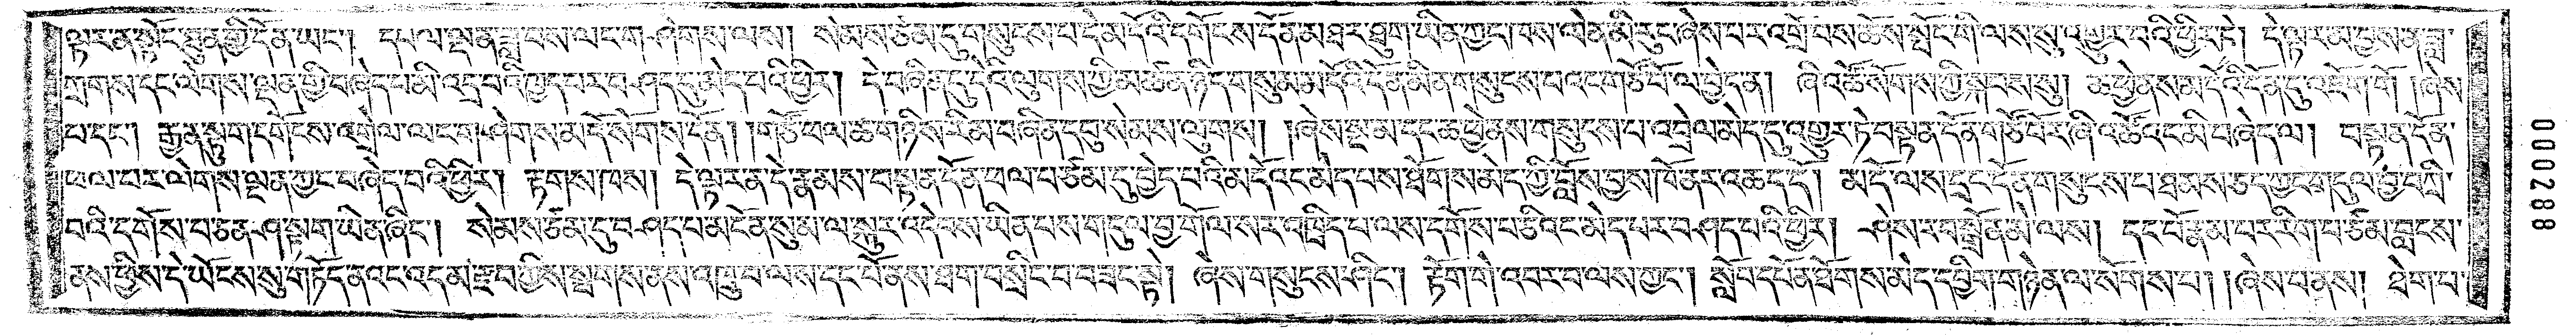ལྟར་ན་སྟོང་ཐུན་གྱི་དོན་ཡང་། དཔལ་ལྡན་ཟླ་བས་ལང་གཤེགས་ལས། སེམས་ཙམ་དུ་གསུངས་བ་དེ་མདོའི་དགོངས་དོན་མཐར་ཐུག་ཡིན་ཀྱང་ལས་ལེན་མི་རུང་ཞེས་པར་འགྲོ་བས་ཆོས་སྤོང་གི་ལས་སུ་འགྱུར་བའི་ཕྱིར་ཏེ། དེ་ལྟར་མ་བྱས་ན་ཟླ་
གྲགས་དང་ལེགས་ལྡན་གྱི་བཞེད་པ་མི་འདྲ་བའི་ཁྱད་པར་བཤད་དུ་མེད་པའི་ཕྱིར། དེ་བཞིན་དུ་དེའི་ལུགས་ཀྱི་མཚན་ཉིད་གསུམ་མདོའི་དོན་མིན་གསུངས་པའང་གཙོ་བོ་ལ་བྱེད་ན། ཞི་འཚོ་སོགས་ཀྱི་སྐབས་སུ། ཆ་ཕྱེ་ནས་མདོའི་དོན་དུ་འཇོག་གོ །ཞེས་
པ་དང་། རྒྱན་སྟུག་དགོངས་འགྲེལ་ལང་གཤེགས་མདོ་སོགས་དོན། །གཙོ་ཕལ་ཆ་གཉིས་རིམ་བཞིན་དབུ་སེམས་ལུགས། །ཞེས་སྔ་མ་དང་ཆ་ཕྱེ་ནས་གསུངས་པ་འབྲེལ་མེད་དུ་འགྱུར་ཏེ་བསྟན་དོན་གཙོ་བོར་ཞི་འཚོའང་མི་བཞེད་ལ། བསྟན་དོན་
ཕལ་བར་ལེགས་ལྡན་ཀྱང་བཞེད་བའི་ཕྱིར། རྟགས་ཁས། དེ་ལྟར་ན་དེ་རྣམས་བསྟན་དོན་ཕལ་པ་ཙམ་དུ་བྱེད་པའི་མདོའང་མེད་པས་ཐོགས་མེད་ཀྱི་བློས་བྱས་ཁོ་ནར་འཆད་དོ། མདོ་ལས་དྲང་དོན་གསུངས་པ་ཐམས་ཅད་ཀྱང་གདུལ་བྱ་བཀྲི་
བའི་དགོས་པ་ཅན་ཤ་སྟག་ཡིན་ཞིང་། སེམས་ཙམ་དུ་བཤད་པ་མངོན་སུམ་ལ་སྐུར་འདེབས་ཡིན་པས་གདུལ་བྱ་གོལ་སར་འཁྲིད་པ་ལས་དགོས་པ་ཅིའང་མེད་པར་བཤད་པའི་ཕྱིར། ཤེས་རབ་སྒྲོན་མེ་ལས༑ དང་པོ་རྣམ་པར་རིག་པ་ཙམ་བླངས་
ནས་ཕྱིས་དེ་ཡོངས་སུ་གཏོད་ནའང་འདམ་རྫབ་ཀྱིས་སྦབས་ནས་འཁྲུ་བ་ལས་དང་པོ་ནས་ཐག་བསྲིང་བ་བཟང་སྟེ། ཞེས་གསུངས་ཤིང་། རྟོག་གེ་འབར་བ་ལས་ཀྱང་། སློབ་དཔོན་ཐོགས་མེད་དབྱིག་གཉེན་ལ་སོགས་པ། །ཞེས་པ་ནས། ཐེག་པ་